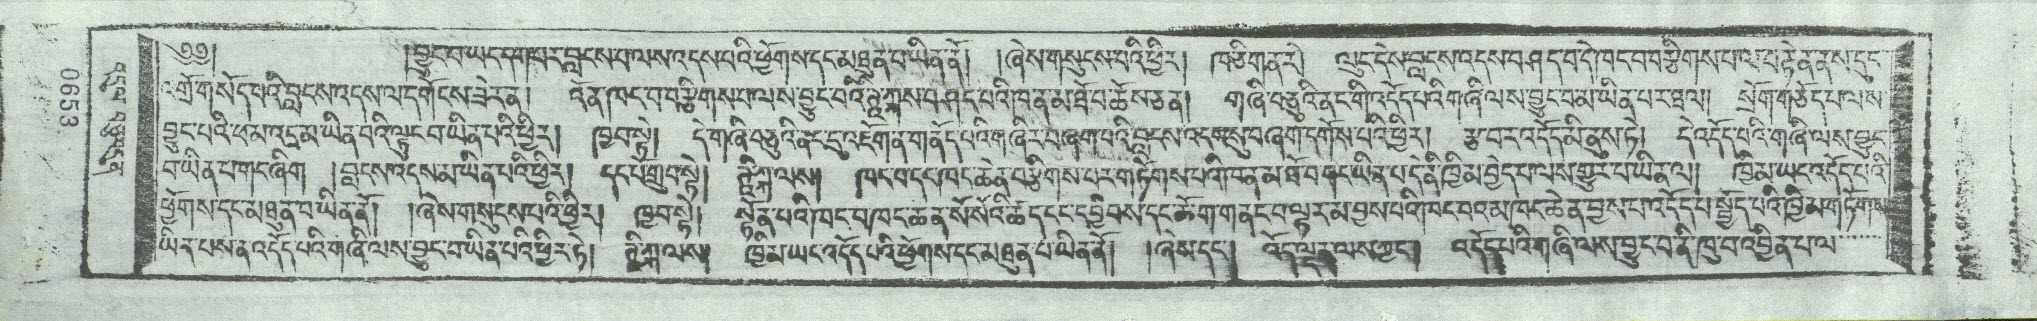༄༅། །བྱུང་བ་ཡང་དག་པར་བླངས་པ་ལས་འདས་པའི་ཕྱོགས་དང་མཐུན་པ་ཡིན་ནོ། །ཞེས་གསུངས་པའི་ཕྱིར། ཁ་ཅིག་ན་རེ། ལུང་དེས་བླངས་འདས་བཤད་པ་དེ་ཁང་པ་བརྩིགས་པ་ལ་བརྟེན་ནས་དུང་
འགྲོ་གསོད་པའི་བླངས་འདས་ལ་དགོངས་ཟེར་ན། འོན་ཁང་བ་བརྩིགས་པ་ལས་བྱུང་བའི་ཊཱིཀྐས་བཤད་པའི་ཁ་ན་མ་ཐོ་བ་ཆོས་ཅན། གཞི་བཅུའི་ནང་གི་འདོད་པའི་གཞི་ལས་བྱུང་བ་མ་ཡིན་པར་ཐལ། སྲོག་གཅོད་པ་ལས་
བྱུང་པའི་ཕ་མ་འདྲ་མ་ཡིན་པའི་ལྟུང་བ་ཡིན་པའི་ཕྱིར། ཁྱབ་སྟེ། དེ་གཞི་བཅུའི་ནང་དུ་འཇོག་ན་གནོད་པའི་གཞིར་བཞག་པའི་བླངས་འདས་སུ་བཞག་དགོས་པའི་ཕྱིར། རྩ་བར་འདོད་མི་ནུས་ཏེ། དེ་འདོད་པའི་གཞི་ལས་བྱུང་
བ་ཡིན་པ་གང་ཞིག །བླངས་འདས་མ་ཡིན་པའི་ཕྱིར། དང་པོ་གྲུབ་སྟེ། ཊཱིཀྐ་ལས། ཁང་བ་དང་ཁང་ཆེན་བརྩིགས་པར་གཏོགས་པའི་ཁ་ན་མ་ཐོ་བ་གང་ཡིན་པ་དེ་ནི་ཁྱིམ་བྱེད་པ་ལས་གྱུར་པ་ཡིན་ལ། ཁྱིམ་ཡང་འདོད་པའི་
ཕྱོགས་དང་མཐུན་པ་ཡིན་ནོ། །ཞེས་གསུངས་པའི་ཕྱིར། ཁྱབ་སྟེ། སྟོན་པའི་ཁང་བ་ཁང་ཆེན་སོ་སོའི་ཚད་དང་དབྱིབས་དང་ཆོ་ག་གནང་བ་ལྟར་མ་བྱས་པའི་ཁང་བའམ་ཁང་ཆེན་བྱས་པ་འདོད་པ་སྤྱོད་པའི་ཁྱིམ་གཏོགས་
ཡིན་པས་ན་འདོད་པའི་གཞི་ལས་བྱུང་བ་ཡིན་པའི་ཕྱིར་ཏེ། ཊཱིཀྐ་ལས། ཁྱིམ་ཡང་འདོད་པའི་ཕྱོགས་དང་མཐུན་པ་ཡིན་ནོ། །ཞེས་དང་། འོད་ལྡན་ལས་ཀྱང་། འདོད་པའི་གཞི་ལས་བྱུང་བ་ནི་ཁུ་བ་འབྱིན་པ་ལ་